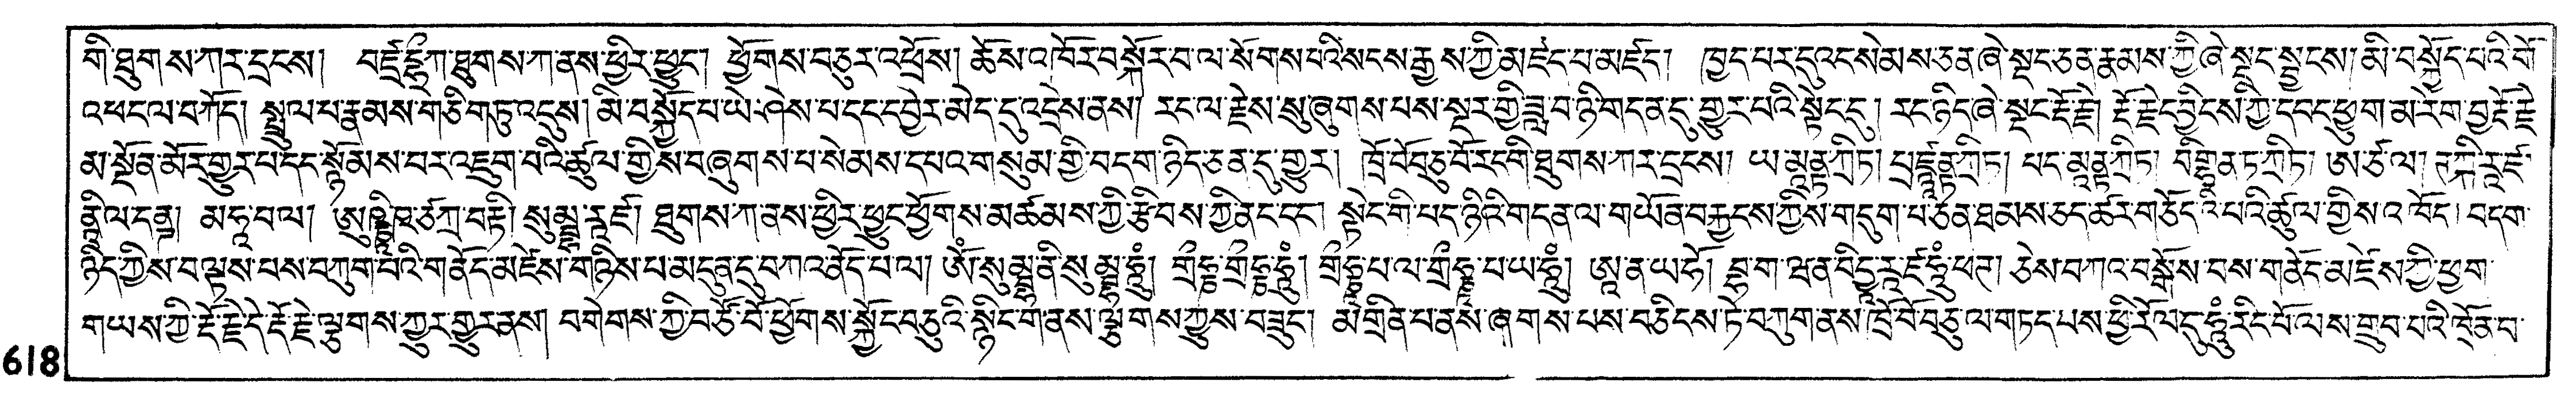གི་ཐུགས་ཀར་དྲངས། བཛྲ་དྷྲྀཀ་ཐུགས་ཀ་ནས་ཕྱིར་ཕྱུང་། ཕྱོགས་བཅུར་འཕྲོས། ཆོས་འཁོར་བསྐོར་བ་ལ་སོགས་པའི་སངས་རྒྱས་ཀྱི་མཛད་པ་མཛད། ཁྱད་པར་དུའང་སེམས་ཅན་ཞེ་སྡང་ཅན་རྣམས་ཀྱི་ཞེ་སྡང་སྦྱངས། མི་བསྐྱོད་པའི་གོ་
འཕང་ལ་བཀོད། སྤྲུལ་པ་རྣམས་གཅིག་ཏུ་འདུས། མི་བསྐྱོད་པ་ཡེ་ཤེས་པ་དང་དབྱེར་མེད་དུ་འདྲེས་ནས། རང་ལ་རྗེས་སུ་ཞུགས་པས་སྔར་གྱི་ཟླ་བ་ཉི་གདན་དུ་གྱུར་པའི་སྟེང་དུ། རང་ཉིད་ཞེ་སྡང་རྡོ་རྗེ། རྡོ་རྗེ་དབྱིངས་ཀྱི་དབང་ཕྱུག་མ་རེག་བྱ་རྡོ་རྗེ་
མ་སྔོན་མོར་གྱུར་པ་དང་སྙོམས་པར་འཇུག་པའི་ཚུལ་གྱིས་བཞུགས་པ་སེམས་དཔའ་གསུམ་གྱི་བདག་ཉིད་ཅན་དུ་གྱུར། ཁྲོ་བོ་བཅུ་བོ་རང་གི་ཐུགས་ཀར་དྲངས། ཡ་མཱནྟ་ཀྲིཏ། པྲཛྙཱནྟ་ཀྲིཏ། པད་མཱནྟ་ཀྲིཏ། བིགྷྣིན་ཏ་ཀྲིཏ། ཨ་ཙ་ལ། ཊཀྐི་རཱ་ཛ།
ནཱི་ལ་དནྜ། མཧཱ་པ་ལ། ཨུཥྞཱི་ཥ་ཙཀྲ་བརྟི། སུམྦྷ་རཱ་ཛ། ཐུགས་ཀ་ནས་ཕྱིར་ཕྱུང་ཕྱོགས་མཚམས་ཀྱི་རྩིབས་ཀྱི་ནང་དང་། སྟེང་གི་པད་ཉིའི་གདན་ལ་གཡོན་བརྐྱངས་ཀྱིས་གདུག་པ་ཅན་ཐམས་ཅད་ཚར་གཅོད་པའི་ཚུལ་གྱིས་འཁོད། བདག་
ཉིད་ཀྱིས་བལྟས་པས་བཀུག་པའི་གནོད་མཛེས་གཉིས་པ་མདུན་དུ་བཀའ་ནོད་པ་ལ། ཨོཾ་སུམྦྷ་ནི་སུམྦྷ་ཧཱུཾ། གྲྀཧྞ་གྲྀཧྞ་ཧཱུཾ། གྲྀཧྞ་པ་ལ་གྲྀཧྞཱ་པ་ཡ་ཧཱུཾ། ཨཱ་ན་ཡ་ཧོ། བྷ་ག་ཝཎ་བིཌྱཱ་རཱ་ཛ་ཧཱུཾ་ཕཊ། ཅེས་བཀའ་བསྒོས་བས་གནོད་མཛེས་ཀྱི་ཕྱག་
གཡས་ཀྱི་རྡོ་རྗེ་དེ་རྡོ་རྗེ་ལྕགས་ཀྱུར་གྱུར་ནས། བགེགས་ཀྱི་བཙོ་བོ་ཕྱོགས་སྐྱོང་བཅུའི་སྙིང་ག་ནས་ལྕགས་ཀྱུས་བཟུང་། མགྲིན་པ་ནས་ཞགས་པས་བཅིངས་ཏེ་བཀུག་ནས་ཁོར་བོ་བཅུ་ལ་གཏད་པས་ཕྱི་རོལ་དུ་ཧཱུཾ་རིང་པོ་ལས་གྲུབ་པའི་ཁྲོན་པ་